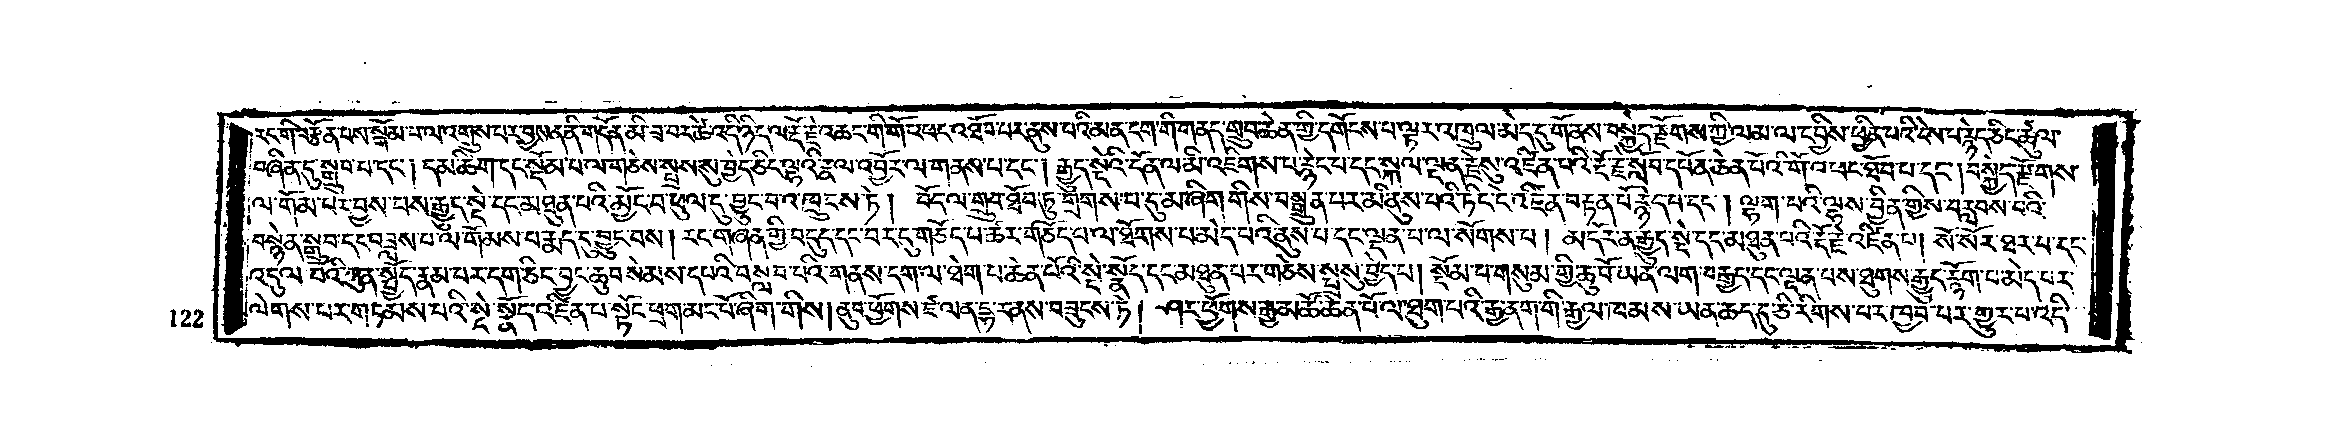རང་གི་བརྩོན་པས་སྒོམ་པ་ལ་འགྲུས་པར་བྱས་ན་ནི་གདོན་མི་ཟ་བར་ཚེ་འདི་ཉིད་ལ་རྡོ་རྗེ་འཆང་གི་གོ་འཕང་འཐོབ་པར་ནུས་པའི་མན་ངག་གི་གནད་གྲུབ་ཆེན་གྱི་དགོངས་པ་ལྟར་འཁྲུལ་མེད་དུ་གོ་ནས་བསྐྱེད་རྫོགས་ཀྱི་ལམ་ལ་དབྱིས་ཕྱིན་པའི་ངེས་པ་རྙེད་ཅིང་ཚུལ་
བཞིན་དུ་སྒྲུབ་པ་དང་། དམ་ཚིག་དང་སྡོམ་པ་ལ་གཅེས་སྤྲས་སུ་བྱེད་ཅིང་ལྷའི་རྣལ་འབྱོར་ལ་གནས་པ་དང་། རྒྱུད་སྡེའི་དོན་ལ་མི་འཇིགས་པ་རྙེད་པ་དང་སྐལ་ལྡན་རྗེས་སུ་འཛིན་པའི་རྡོ་རྗེ་སློབ་དཔོན་ཆེན་པོའི་གོ་འཕང་ཐོབ་པ་དང་། བསྐྱེད་རྫོགས་
ལ་གོམ་པར་བྱས་པས་རྒྱུད་སྡེ་དང་མཐུན་པའི་མྱོང་བ་ཕུལ་དུ་བྱུང་བ་འཁྲུངས་ཏེ། བོད་ལ་གྲུབ་ཐོབ་ཏུ་གྲགས་པ་དུ་མ་ཞིག་གིས་བསྒྲུན་པར་མི་ནུས་པའི་ཏིང་ངེ་འཛིན་བརྟན་པོ་རྙེད་པ་དང་། ལྷག་པའི་ལྷས་བྱིན་གྱིས་བརླབས་པའི་
བསྙེན་སྒྲུབ་དང་བཟླས་པ་ལ་གོམས་པ་རྨད་དུ་བྱུང་བས། རང་གཞན་གྱི་བདུད་དང་བར་དུ་གཅོད་པ་ཚར་གཅོད་པ་ལ་ཐོགས་པ་མེད་པའི་ནུས་པ་དང་ལྡན་པ་ལ་སོགས་པ། མདོར་ན་རྒྱུད་སྡེ་དང་མཐུན་པའི་རྡོ་རྗེ་འཛིན་པ། སོ་སོར་ཐར་པ་དང་
འདུལ་བའི་ཀུན་སྤྱོད་རྣམ་པར་དག་ཅིང་བྱང་ཆུབ་སེམས་དཔའི་བསླབ་པའི་གནས་དག་ལ་ཐེག་པ་ཆེན་པོའི་སྡེ་སྣོད་དང་མཐུན་པར་གཅེས་སྤྲས་སུ་བྱེད་པ། སྡོམ་པ་གསུམ་གྱི་ཆུ་བོ་ཡན་ལག་བརྒྱད་དང་ལྡན་པས་ཐུགས་རྒྱུད་རྙོག་པ་མེད་པར་
ལེགས་པར་གཏམས་པའི་སྡེ་སྣོད་འཛིན་པ་སྟོང་ཕྲག་མང་པོ་ཞིག་གིས། ནུབ་ཕྱོགས་ཛ་ལན་དྷ་ར་ནས་བཟུངས་ཏེ། ཤར་ཕྱོགས་རྒྱ་མཚོ་ཆེན་པོ་ལ་ཐུག་པའི་རྒྱ་ནག་གི་རྒྱལ་ཁམས་ཡན་ཆད་དུ་ཅི་རིགས་པར་ཁྱབ་པར་གྱུར་པ་འདི་